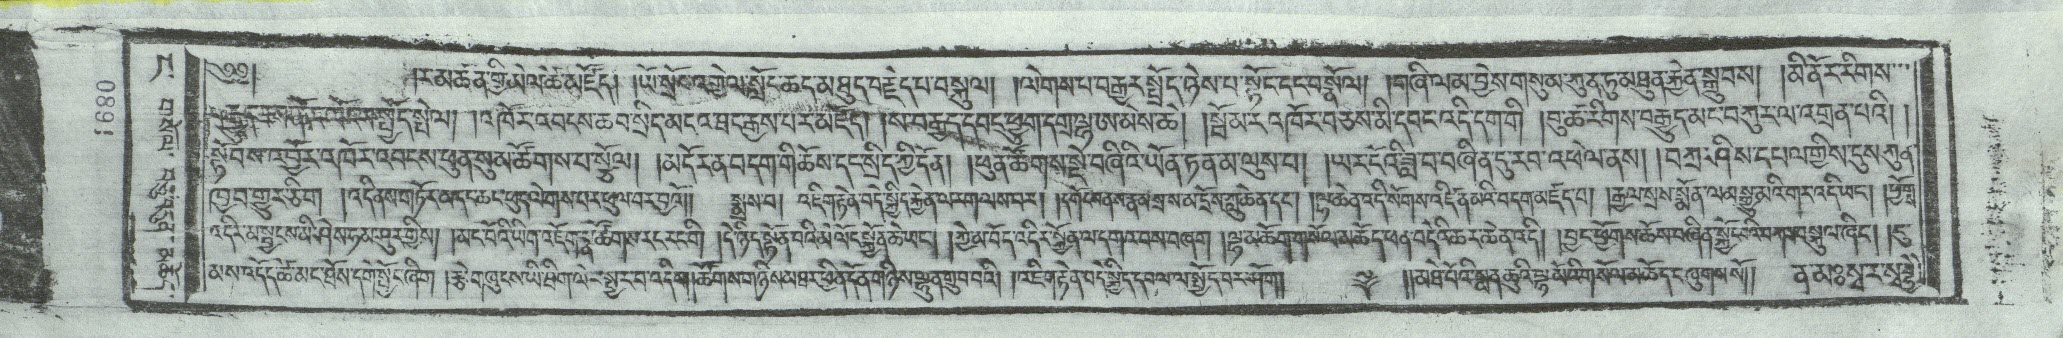༄༅། །ར་མཚན་གྱི་མེལ་ཚེ་མཛོད། །ཡོ་སྲོང་འགྱེལ་སློང་ཆད་མཐུད་བརྗེད་པ་བསྐུལ། །ལེགས་པ་བརྒྱར་སྤྲོད་ཉེས་པ་སྟོང་དང་བསྣོལ། །གཞི་ལམ་བྱེས་གསུམ་ཀུན་ཏུ་མཐུན་རྐྱེན་སྒྲུབས། །མི་ནོར་རིགས་
བརྒྱུད་ཟས་ནོར་ལོངས་སྤྱོད་སྦེལ། །འཁོར་འབངས་ཆབ་སྲིད་མངའ་ཐང་རྒྱས་པར་མཛོད། །ས་བརྒྱད་དབང་ཕྱུག་དགྲ་ལྷ་ཨ་མེས་ཆེ། །སྦོམ་ར་འཁོར་བཅས་མི་དབང་འདི་དག་གི །བུ་ཚ་རིགས་བརྒྱུད་མང་བཀུར་ལ་འགྲན་པའི། །
སྟོབས་འབྱོར་འཁོར་འབངས་ཕུན་སུམ་ཚོགས་པ་སྩོལ། །མདོར་ན་བདག་གི་ཆོས་དང་སྲིད་ཀྱི་དོན། །ཕུན་ཚོགས་སྡེ་བཞིའི་ཡོན་ཏན་མ་ལུས་པ། །ཡར་ངོའི་ཟླ་བ་བཞིན་དུ་རབ་འཕེལ་ནས། །བཀྲ་ཤིས་དཔལ་གྱིས་དུས་ཀུན་
ཁྱབ་གྱུར་ཅིག །འདི་ནས་གཏོར་མ་དང་ཆང་ཕུད་ལེགས་པར་ཕུལ་བར་བྱའོ།། སྨྲས་བ། འཇིག་རྟེན་བདེ་སྐྱིད་རྐྱེན་ལ་རག་ལས་བར། །དགོངས་ནས་རྣམ་སྲས་མ་དྲོས་ཀླུ་ཆེན་དང་། །ལྷ་ཆེན་འདི་སོགས་འཛིན་མའི་བདག་མཛད་པ། །རྒྱལ་སྲས་སྨོན་ལམ་སྒྱུ་མའི་གར་འདི་ཡང་། །ཕྱོགས་
འདིར་མ་སྦྱངས་མི་ཤེས་ཧམ་ཤུར་གྱིས། །མང་བོའི་ཡིག་འཇོག་སྣ་ཚོགས་རང་རང་གི །དེ་ཉིད་སྟོན་བའི་མེ་ལོང་སྐྱོན་ཆེ་ཡང་། །ཀྱེ་མ་བོད་འདིར་སྐྱོན་ལ་དགའ་བས་བཞག །ལྷ་མཆོག་གསོལ་མཆོད་ཕན་བདེའི་ཆར་ཆེན་འདི། །བྱང་ཕྱོགས་ཆོས་བཞིན་སྐྱོང་བའི་བཀས་བསྐུལ་ཞིང་། །དུ་
མས་འདོད་ཚོ་མང་ཐོས་དགེ་སྦྱོང་ཞིག །རྩེ་གཞུངས་ཡི་ཐིག་ལེ་སྦྱར་བ་འདིས། །ཚོགས་གཉིས་མཐར་ཕྱིན་དོན་གཉིས་ལྷུན་གྲུབ་བའི། །འཇིག་རྟེན་བདེ་སྐྱིད་དཔལ་ལ་སྤྱོད་བར་ཤོག། ༈ །།མཐེ་བོའི་སྨན་ཆུའི་ལྷ་མོའི་གསོལ་མཆོད་བཞུགས་སོ།། ན་མཿསྭར་སྭསྟྱཻ་